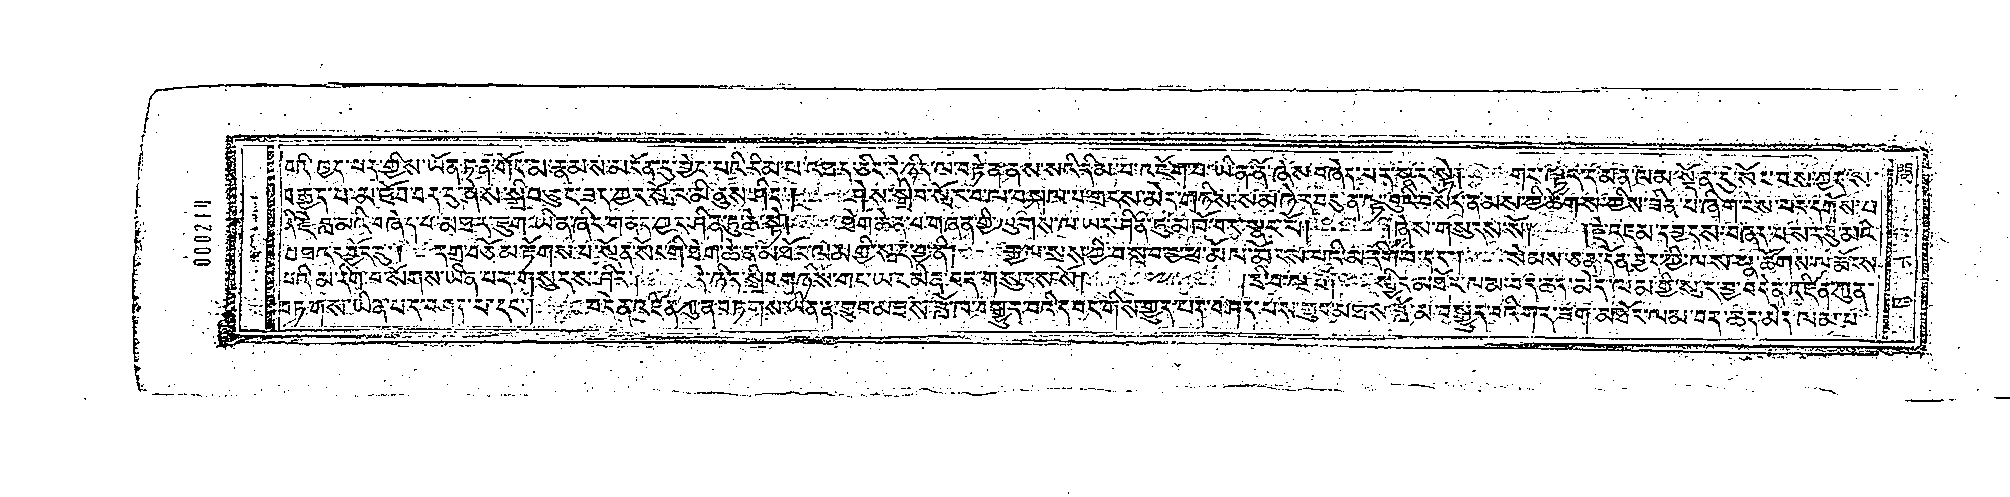བའི་ཁྱད་པར་གྱིས་ཡོན་ཏན་གོང་མ་རྣམས་མངོན་དུ་བྱེད་པའི་རིམ་པ་འཐད་ཅིང་དེ་ཉིད་ལ་བརྟེན་ནས་སའི་རིམ་པ་འཇོག་པ་ཡིན་ནོ་ཞེས་བཞེད་པར་སྣང་སྟེ། གང་ལྟར་དམན་ལམ་སྡོན་དུ་སོང་བས་ཀྱང་ས་
བརྒྱད་པ་མ་ཐོབ་བར་དུ་ཤེས་སྒྲིབ་ཅུང་ཟད་ཀྱང་སྤོང་མི་ནུས་ཤིང་། ཤེས་སྒྲིབ་སྤོང་བ་ལ་བསྐལ་པ་གྲངས་མེད་གཉིས་ས་མཉེར་བདུན་ལྟ་བུའི་བསོད་ནམས་ཀྱི་ཚོགས་ཀྱིས་ཟིན་པ་ཞིག་ངེས་པར་དགོས་པ་
ནི་རྗེ་བླ་མའི་བཞེད་པ་མཐར་ཐུག་ཡིན་ཞིང་གནང་ཀྱང་ཤིན་ཏུ་ཆེ་སྟེ། ཐེག་ཆེན་པ་གཞན་གྱི་ལུགས་ལ་ཡང་ཤིན་ཏུ་མཁོ་བར་སྣང་མོ། །ཞེས་གསུངས་སོ། །རྗེ་འཇམ་དབྱངས་བཞད་པས་དབུ་མའི་
མཐའ་དཔྱོད་དུ། དགྲ་བཅོམ་རྟོགས་པ་སྔོན་སོང་གི་ཐེག་ཆེན་མཐོང་ལམ་གྱི་སྤང་བྱ་ནི། རྒྱལ་སྲས་ཀྱི་བསླབ་བྱ་ཕྲ་མོལ་མོངས་པའི་མ་རིག་བ་དང་། སེམས་ཅན་དོན་བྱེད་ཀྱི་ལས་སྣ་ཚོགས་ལ་རྨོངས་
པའི་མ་རིག་པ་སོགས་ཡིན་པར་གསུངས་ཤིང་། དེ་ཉིད་སྒྲིབ་གཉིས་གང་ཡང་མིན་བར་གསུང་སོ། ༧་།དྲི་བ་ལྔ་པ། སྤྱིར་མཐོང་ལམ་བར་ཆད་མེད་ལམ་གྱིས་སྤང་བྱ་བདེན་འཛིན་ཀུན་
བཏགས་ཡིན་པར་བཤད་པ་དང་། བདེན་འཛིན་ཀུན་བཏགས་ཡིན་ན་གྲུབ་མཐས་བློ་ཁ་བསྒྱུར་བའི་དབང་གིས་གྱུར་པར་བཤད་པས་གྲུབ་མཐས་བློ་མ་བསྒྱུར་བའི་གང་ཟག་མཐོང་ལམ་བར་ཆད་མེད་ལམ་པ་